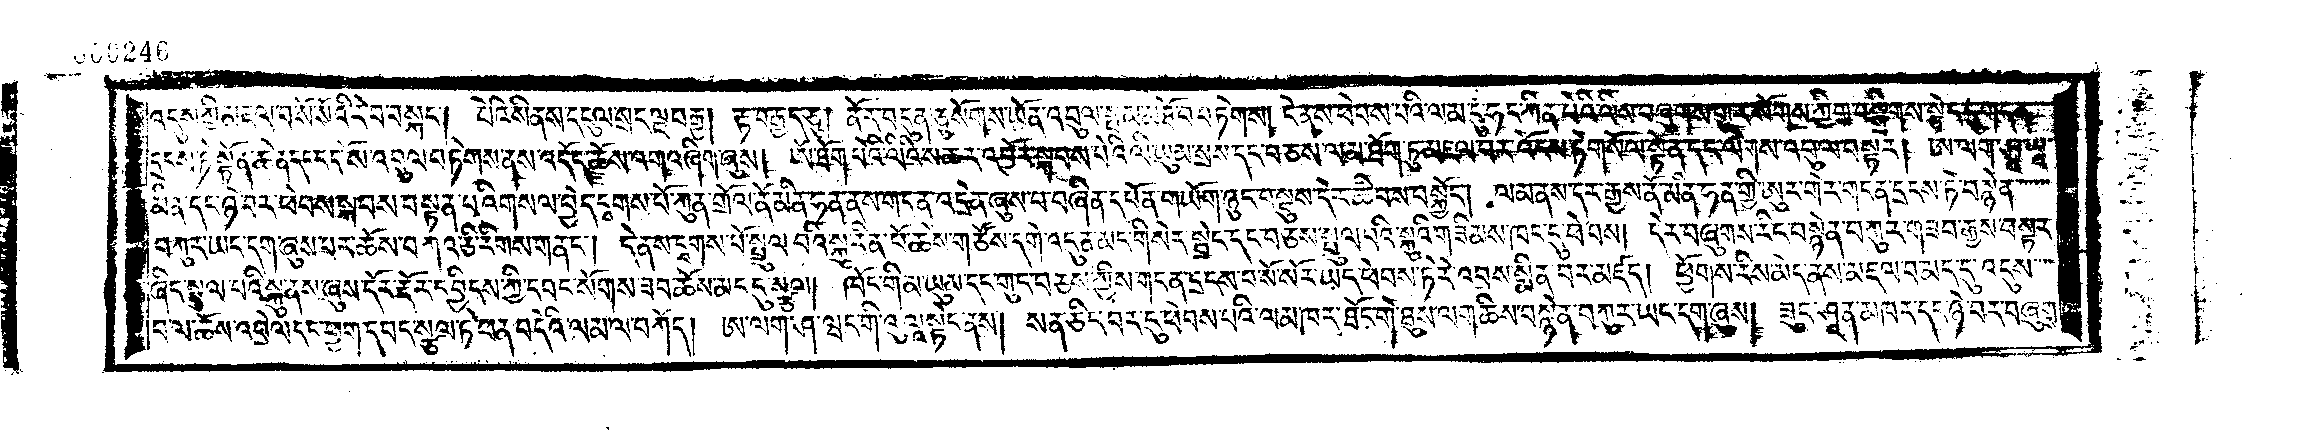འདུས་ཀྱི་མཇལ་བ་སོ་སོའི་རེ་བ་བསྐང་། པེའི་སི་ནས་དངུལ་སྲང་ལྔ་བརྒྱ། རྟ་བརྒྱད་ཅུ། ནོར་བདུན་ཅུ་སོགས་ཡོན་འབུལ་སྤམ་མཐོ་བ་བཏེགས། དེ་ནས་ཕེབས་པའི་ལམ་དུ་ཧང་ཀིན་པེའི་ལིས་བཞུགས་གུར་སོགས་ཀྱི་གྲ་བསྒྲིགས་སྟེང་དུ་གདན་
དྲངས་ཏེ་སྟོན་ཆེན་དང་དངོས་འབུལ་བཏེགས་ནས་འདོད་ཆོས་འགའ་ཞིག་ཞུས། ཨོ་ཐོག་པེའི་ལིའི་ས་ཆར་འབྱོར་སྐབས་པེའི་ལི་ཡུམ་སྲས་དང་བཅས་ལམ་ཐོག་ཏུ་མཇལ་བར་འོངས་ཏེ་གསོལ་སྟོན་དང་ལེགས་འབུལ་བསྟར། ཨ་ལག་ཤཱ་ཡཱ་
མིན་དང་ཉེ་བར་ཕེབས་སྐབས་བསྟན་པའི་གསལ་བྱེད་དྭགས་པོ་ཀུན་གྲོལ་ནོ་མིན་ཧན་ནས་གདན་འདྲེན་ཞུས་པ་བཞིན་དཔོན་གཡོག་ཉུང་བསྡུས་དེར་ཆིབས་བསྐྱོད། ལམ་ནས་དར་རྒྱས་ནོ་མིན་ཧན་གྱི་ཨུར་གེར་གདན་དྲངས་ཏེ་བསྙེན་
བཀུར་ཡང་དག་ཞུས་པར་ཆོས་བཀའ་ཅི་རིགས་གནང་། དེ་ནས་དྭགས་པོ་སྤྲུལ་པའི་སྐུ་རིན་པོ་ཆེས་གཙོས་དགེ་འདུན་མང་གི་སེར་སྦྲེང་དང་བཅས་སྤྲུལ་པའི་སྐུའི་གཟིམས་ཁང་དུ་ཕེབས། དེར་བཞུགས་རིང་བསྙེན་བཀུར་གཟབ་རྒྱས་བསྟར་
ཞིང་སྤྲུལ་པའི་སྐུ་ནས་ཞུས་ངོར་རྔོར་དབྱིངས་ཀྱི་དབང་སོགས་ཟབ་ཆོས་མང་དུ་སྩལ། ཁོང་གིམ་ཡུམ་དང་གུང་བཅས་ཀྱིས་གདན་དྲངས་པ་སོ་སོར་ཡང་ཕེབས་ཏེ་རེ་འབྲས་སྨིན་པར་མཛད། ཕྱོགས་རིས་མེད་ནས་མཇལ་བ་མང་དུ་འདུས་
པ་ལ་ཆོས་འབྲེལ་དང་ཕྱག་དབང་སྩལ་ཏེ་ཕན་བདེའི་ལམ་ལ་བཀོད། ཨ་ལག་ཤ་ཝང་གི་འུ་ལཱ་སྟེང་ནས། སན་ཅིང་བར་དུ་ཕེབས་པའི་ལམ་ཁང་ཐོང་གེ་ཐུ་ས་ལག་ཆིས་བསྙེན་བཀུར་ཡང་དག་ཞུས། ཟུང་ཤཱན་མཁར་དང་ཉེ་བར་བཞུགས་